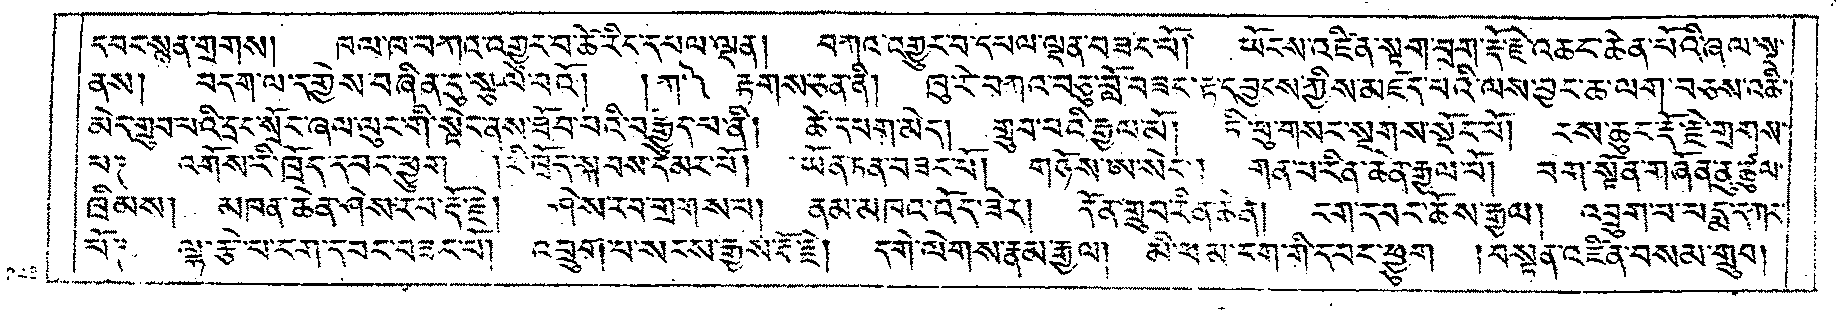དབང་སྙན་གྲགས། ཁལ་ཁ་བཀའ་འགྱུར་བ་ཚེ་རིང་དཔལ་ལྡན། བཀའ་འགྱུར་བ་དཔལ་ལྡན་བཟང་པོ། ཡོངས་འཛིན་སྟག་བྲག་རྡོ་རྗེ་འཆང་ཆེན་པོའི་ཞལ་སྔ་
ནས། བདག་ལ་དགྱེས་བཞིན་དུ་སྩལ་བའོ། །ཀ྄་རྟགས་ཅན་ནི། ཁུ་རེ་བཀའ་བཅུ་བློ་བཟང་རྟ་དབྱངས་ཀྱིས་མཛད་མའི་ལས་བྱང་ཆ་ལག་བཅས་འཆི་
མེད་གྲུབ་པའི་དྲང་སྲོང་ཞལ་ལུང་གི་སྟེང་ནས་ཐོབ་པའི་བརྒྱུད་པ་ནི། ཚེ་དཔག་མེད། གྲུབ་པའི་རྒྱལ་མོ། ཏི་ཕུ་གསང་སྔགས་སྡོང་པོ། རས་ཆུང་རྡོ་རྗེ་གྲགས་
པ༑ འགོས་རི་ཁྲོད་དབང་ཕྱུག །རི་ཁྲོད་སྐབས་དམར་པོ། ཡོན་ཏན་བཟང་པོ། གཉོས་ཨ་སེང་། གན་པ་རིན་ཆེན་རྒྱལ་པོ། བག་སྟོན་གཞོན་ནུ་ཚུལ་
ཁྲིམས། མཁན་ཆེན་ཤེས་རབ་རྡོ་རྗེ། ཤེས་རབ་གྲགས་པ། ནམ་མཁའ་འོད་ཟེར། དོན་གྲུབ་རིན་ཆེན། ངག་དབང་ཆོས་རྒྱལ། འབྲུག་པ་པདམ་དཀར་
པོ༑ ལྷ་རྩེ་པ་ངག་དབང་བཟང་པོ། འབྲུག་པ་སངས་རྒྱས་རྡོ་རྗེ། དགེ་ལེགས་རྣམ་རྒྱལ། མི་ཕམ་ངག་གི་དབང་ཕྱུག །བསྟན་འཛིན་བསམ་གྲུབ།